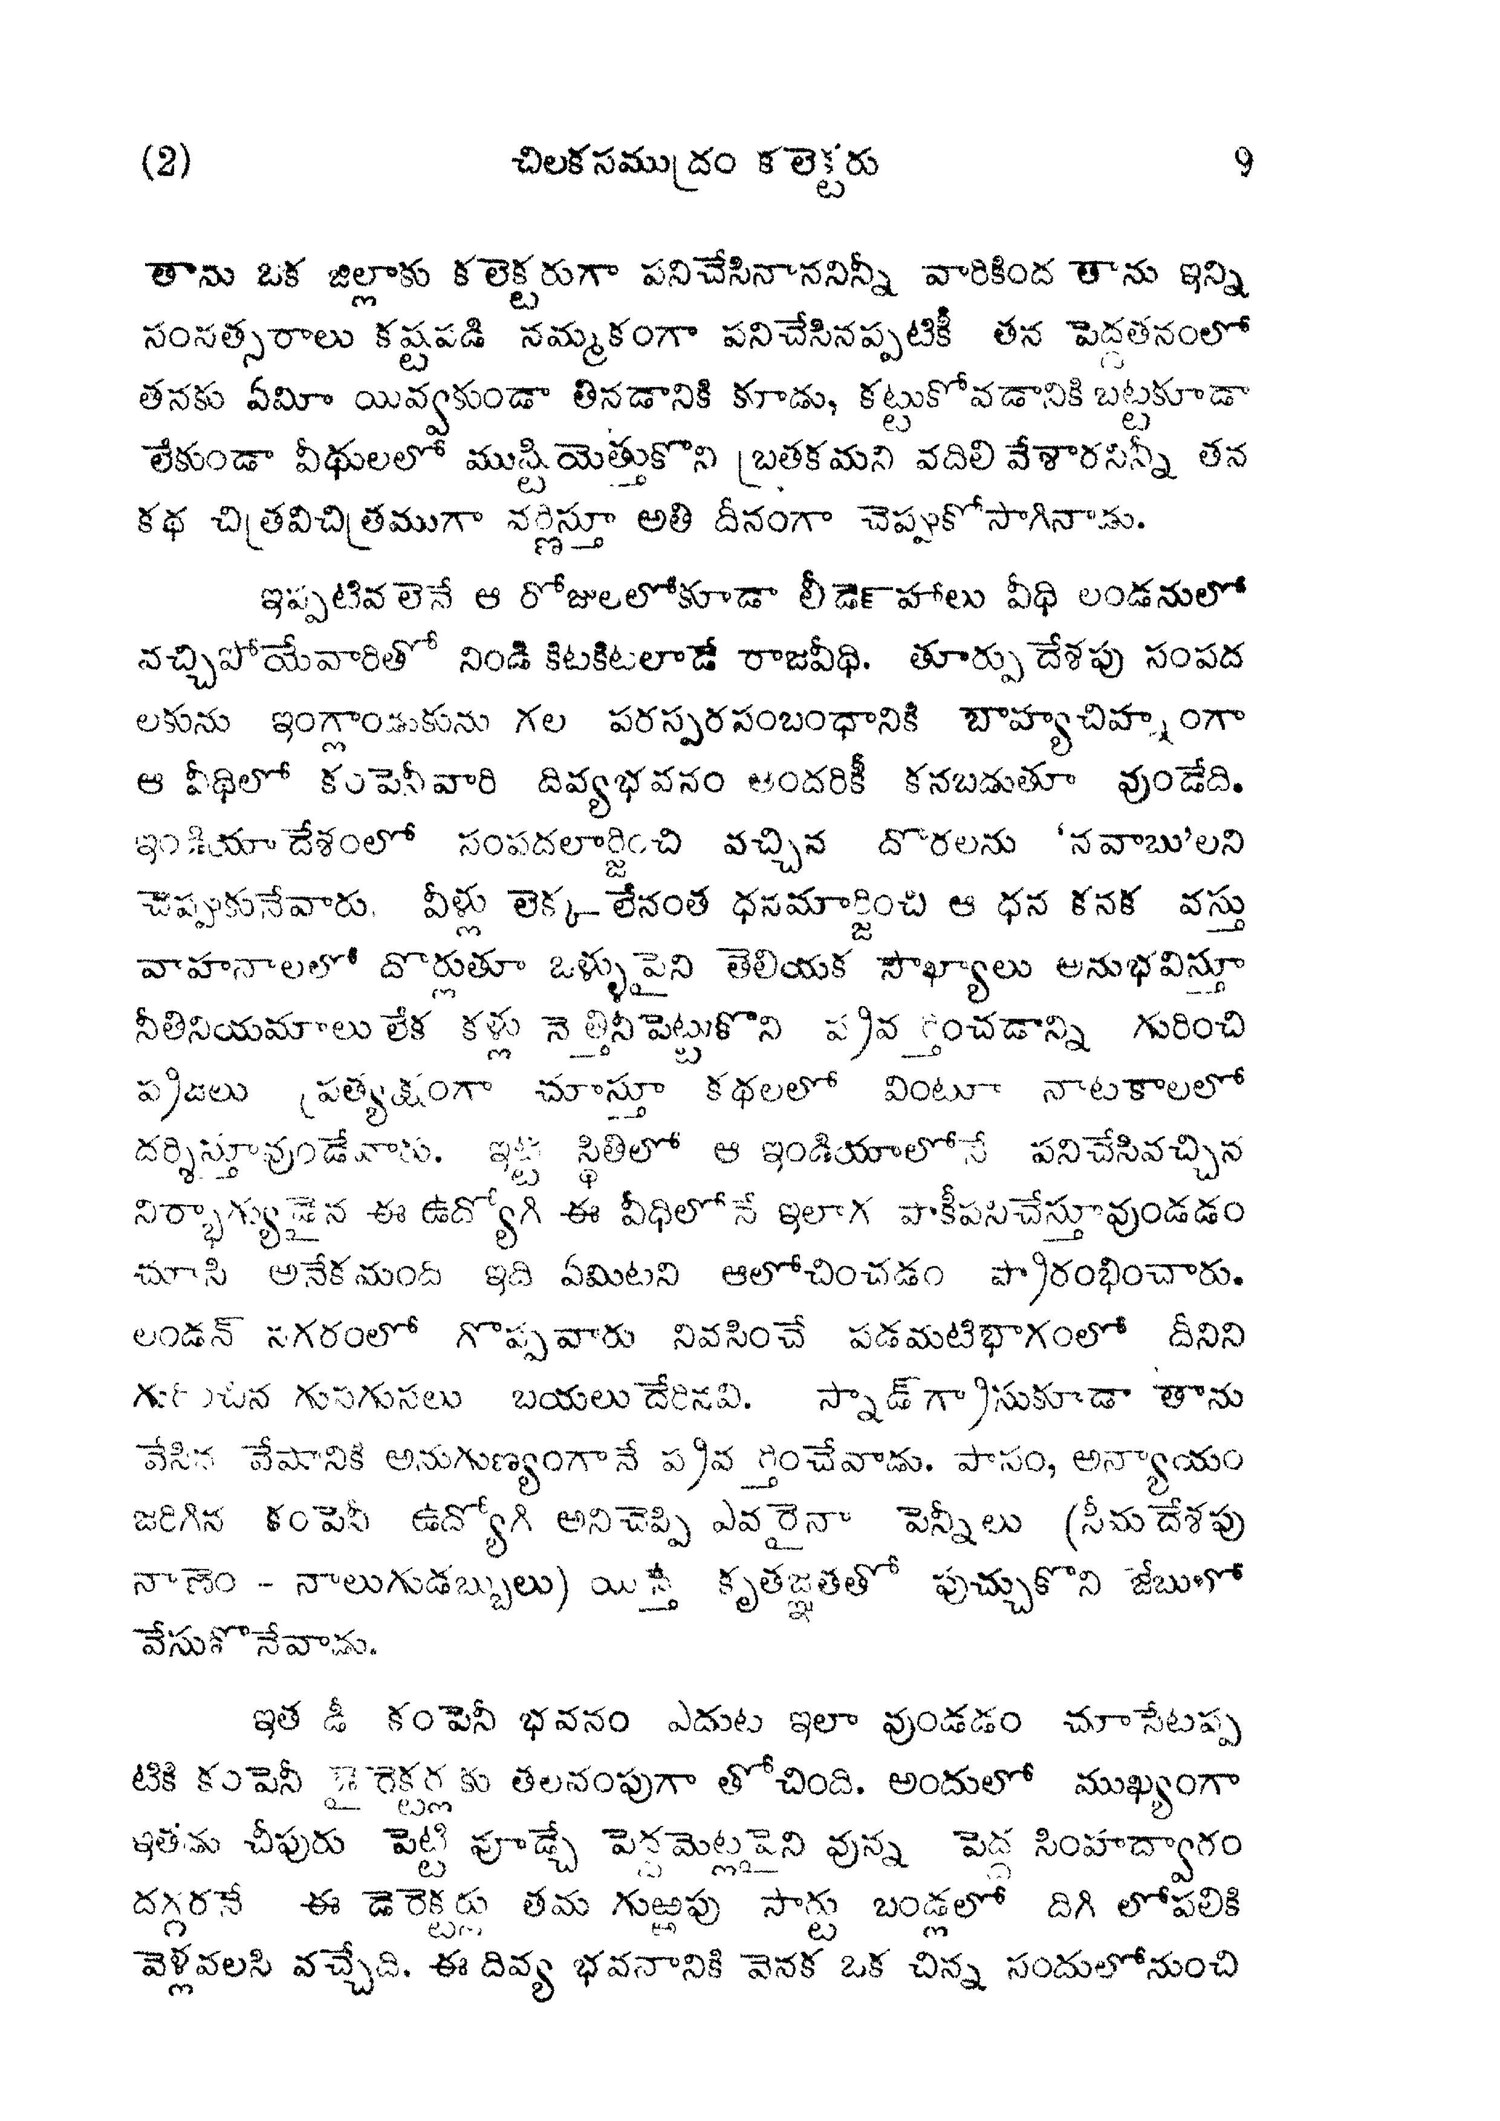తాము ఒక జిల్లాకు కలెక్టరుగా పనిచేసినాననిన్నీ వారికింద తాను ఇన్ని సంవత్సరాలు కష్టపడి నమ్మకంగా పనిచేసినప్పటికీ తన పెద్దతనంలో తనకు ఏమీ యివ్వకుండా తినడానికి కూడు, కట్టుకోవడానికి బట్టకూడా లేకుండా వీధులలో ముష్టియెత్తుకొని బ్రతకమని వదిలి వేశారనిన్నీ తన కధ చిత్రవిచిత్రముగా వర్ణిస్తూ అతి దీనంగా చెప్పుకోసాగినాడు.

ఇప్పటివలెనే ఆ రోజులలోకూడా లీడెన్ హాలు వీధి లండనులో వచ్చిపోయేవారితో నిండి కిటకిటలాడే రాజవీధి. తూర్పుదేశపు సంపదలకును ఇంగ్లాండుకును గల పరస్పరసంబంధానికి బాహ్యచిహ్నంగా ఆ వీధిలో కంపెనీ వారి దివ్యభవనం అందరికీ కనబడుతూ వుండేది. ఇండియాదేశంలో సంపదలార్జించి వచ్చిన దొరలను 'నవాబు ' లని చెప్పుకునేవారు వీళ్లు లెక్క లేనంత ధనమార్జించి ఆ ధన కనక వస్తువాహానాలలో దొర్లుతూ ఒళ్ళుపైని తెలియక సౌఖ్యాలు అనుభవిస్తూ నీతినియమాలు లేక కళ్లు నెత్తినిపెట్టుకొని వ్రవర్తించడాన్ని గురించి ప్రజలు ప్రత్యక్షంగా చూస్తూ కధలలో వింటూ నాటకాలలో దర్శిస్తూవుండేవారు. ఇట్టి స్థితిలో ఆ ఇండియాలోనే పనిచేసివచ్చిన నిర్భాగ్యుడైన ఈ ఉద్యోగి ఈ వీధులలోనే ఇలాగ పాకీపనిచేస్తూవుండడం చూసి అనేకమంది ఇది ఏమిటని ఆలోచించడం ప్రారంభించారు. లండన్ నగరంలో గొప్పవారు నివసించే పడమటిభాగంలో దీనిని గురించిన గుసగుసలు బయలుదేరినవి. స్నాడ్ గ్రాసుకూడా తాను వేసిన వేషానికి అనుగుణ్యంగానే ప్రవర్తించేవాడు. పాపం, అన్యాయం జరిగిన కంపెనీ ఉద్యోగి అనిచెప్పి ఎవరైనా పెన్నీలు (సీమదేశపు నాణెం - నాలుగుడబ్బులు) యిస్తే కృతజ్ఞతతో పుచ్చుకొని జేబులో వేసుకొనేవాడు.

ఇత డీ కంపెనీ భవనం ఎదుట ఇలా వుండడం చూసేటప్పటికి కంపెనీ డైరెక్టర్లకు తలవంపుగా తోచింది. అందులో ముఖ్యంగా ఇతడు చీపురు పెట్టి వూడ్చే పెద్దమెట్లపైని వున్న పెద్ద సింహద్వారం దగ్గరనే ఈడైరక్టర్లు తను గుఱ్ఱపు సార్టు బండ్లలో దిగి లోపలికి వెళ్లవలసి వచ్చేది. ఈదివ్య భవనానికి వెనక ఒక చిన్న సందులోనుంచి